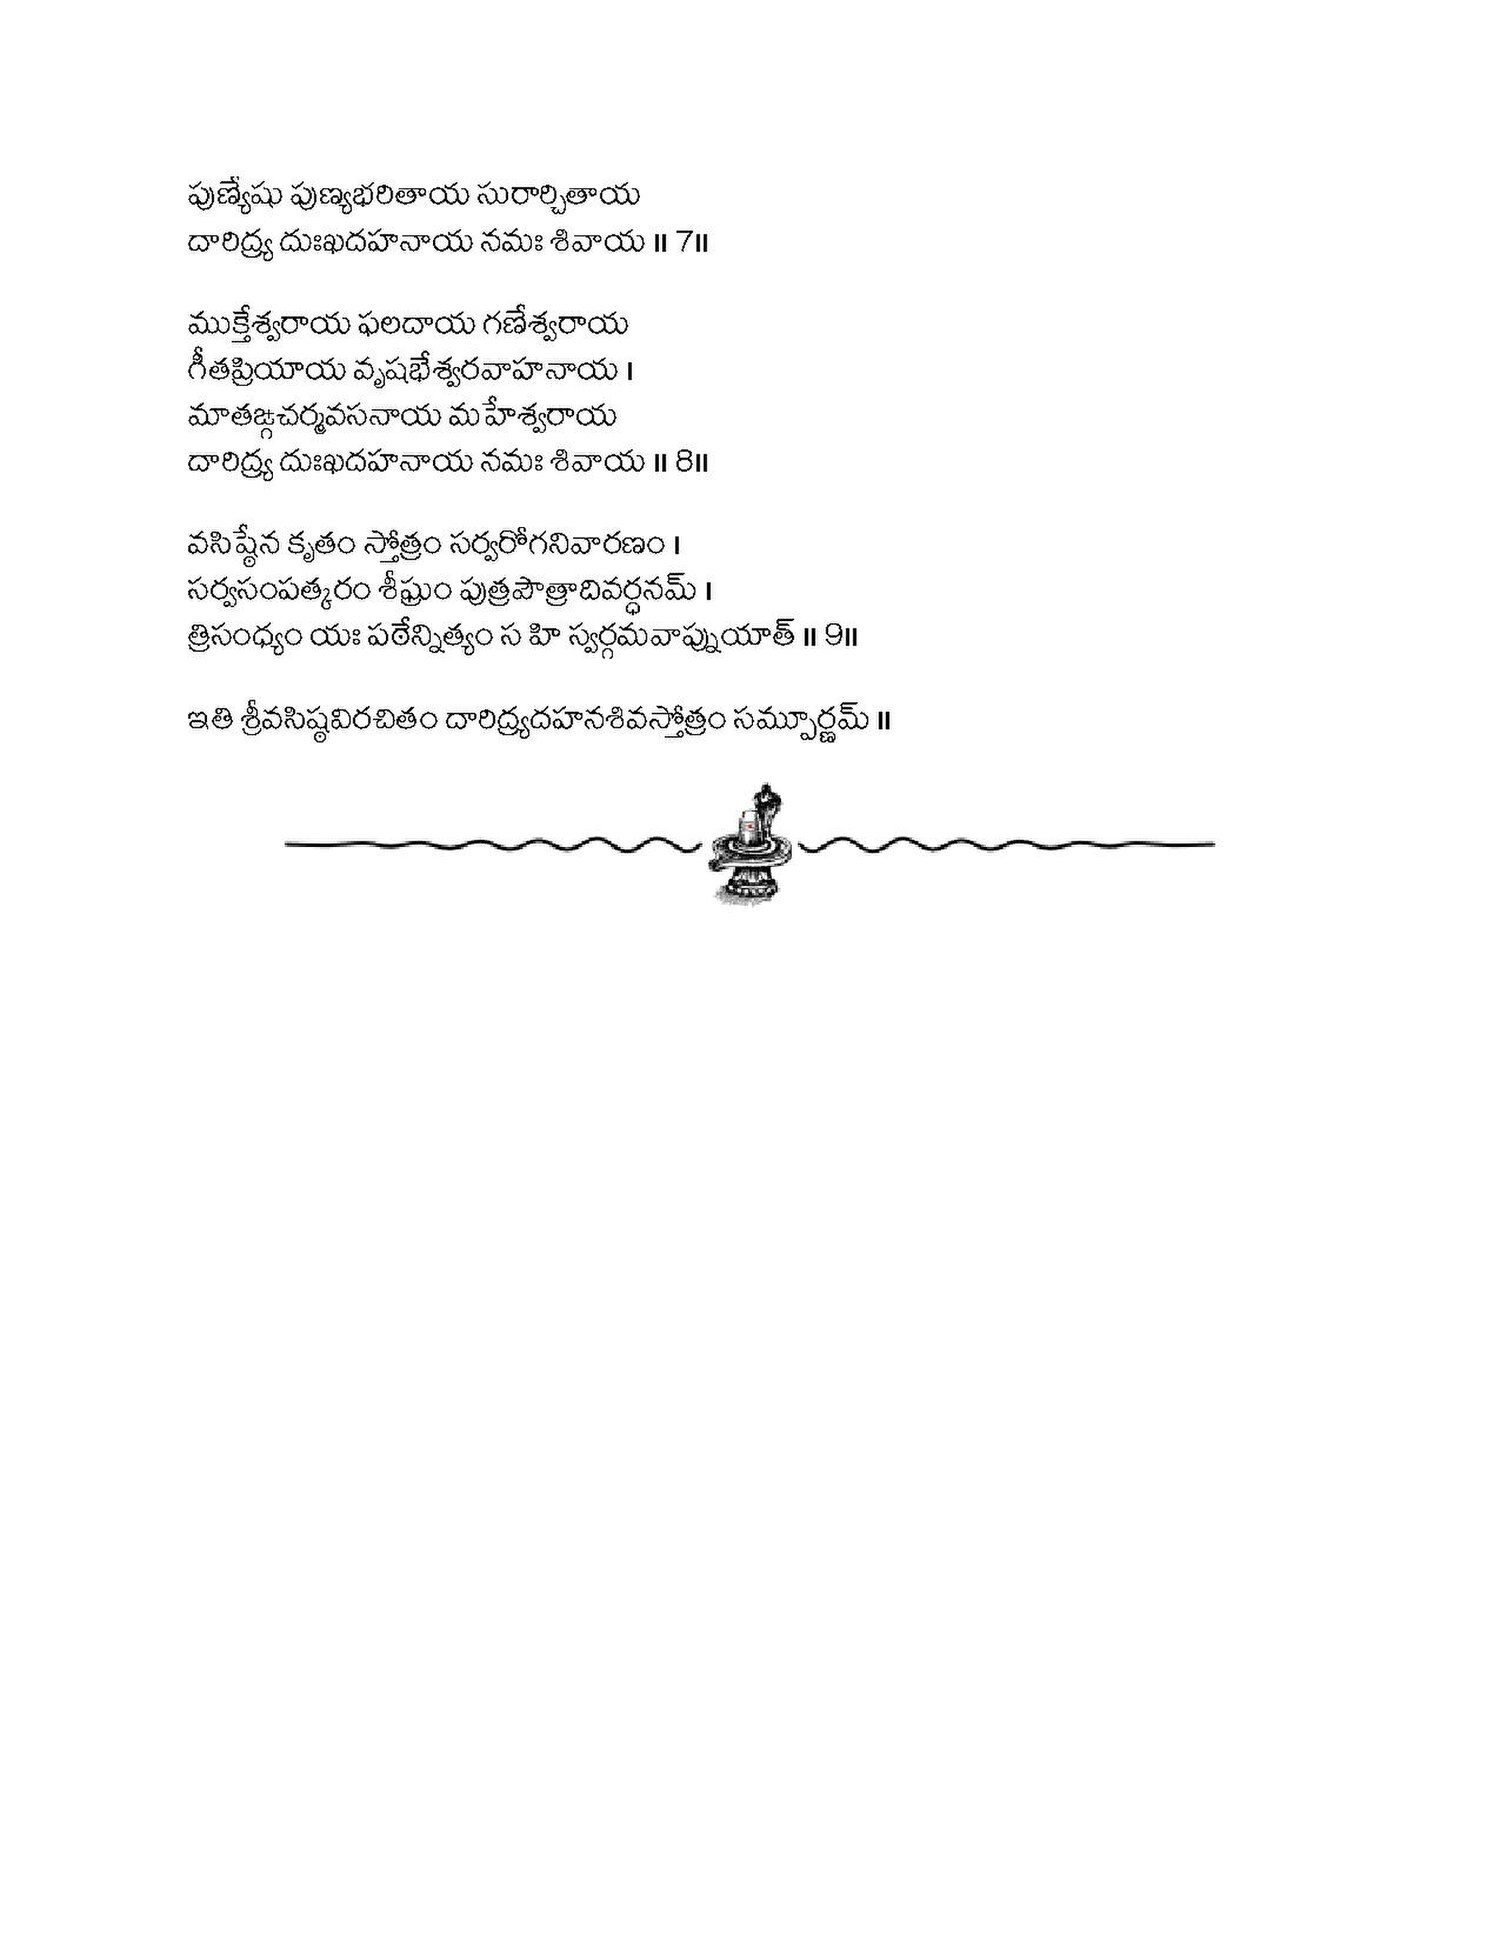పుణ్యేషు పుణ్యభరితాయ సురార్చితాయ
దారిద్య్ర దుఃఖదహనాయ నమః శివాయ || 7 ||

ముక్తేశ్వరాయ ఫలదాయ గణేశ్వరాయ
గీతప్రియాయ వృషభేశ్వరవాహనాయ |
మాతఙ్గచర్మవసనాయ మహేశ్వరాయ
దారిద్య్ర దుఃఖదహనాయ నమః శివాయ || 8||

వసిష్ఠేన కృతం స్తోత్రం సర్వరోగనివారణం |
సర్వసంపత్కరం శీఘ్రం పుత్రపౌత్రాదివర్ధనమ్ |
త్రిసంధ్యం యః పఠేన్నిత్యం స హి స్వర్గమవాప్నుయాత్ || 9 ||

ఇతి శ్రీవసిష్ఠవిరచితం దారిద్య్రదహనశివస్తోత్రం సమ్పుార్ణమ్ ||